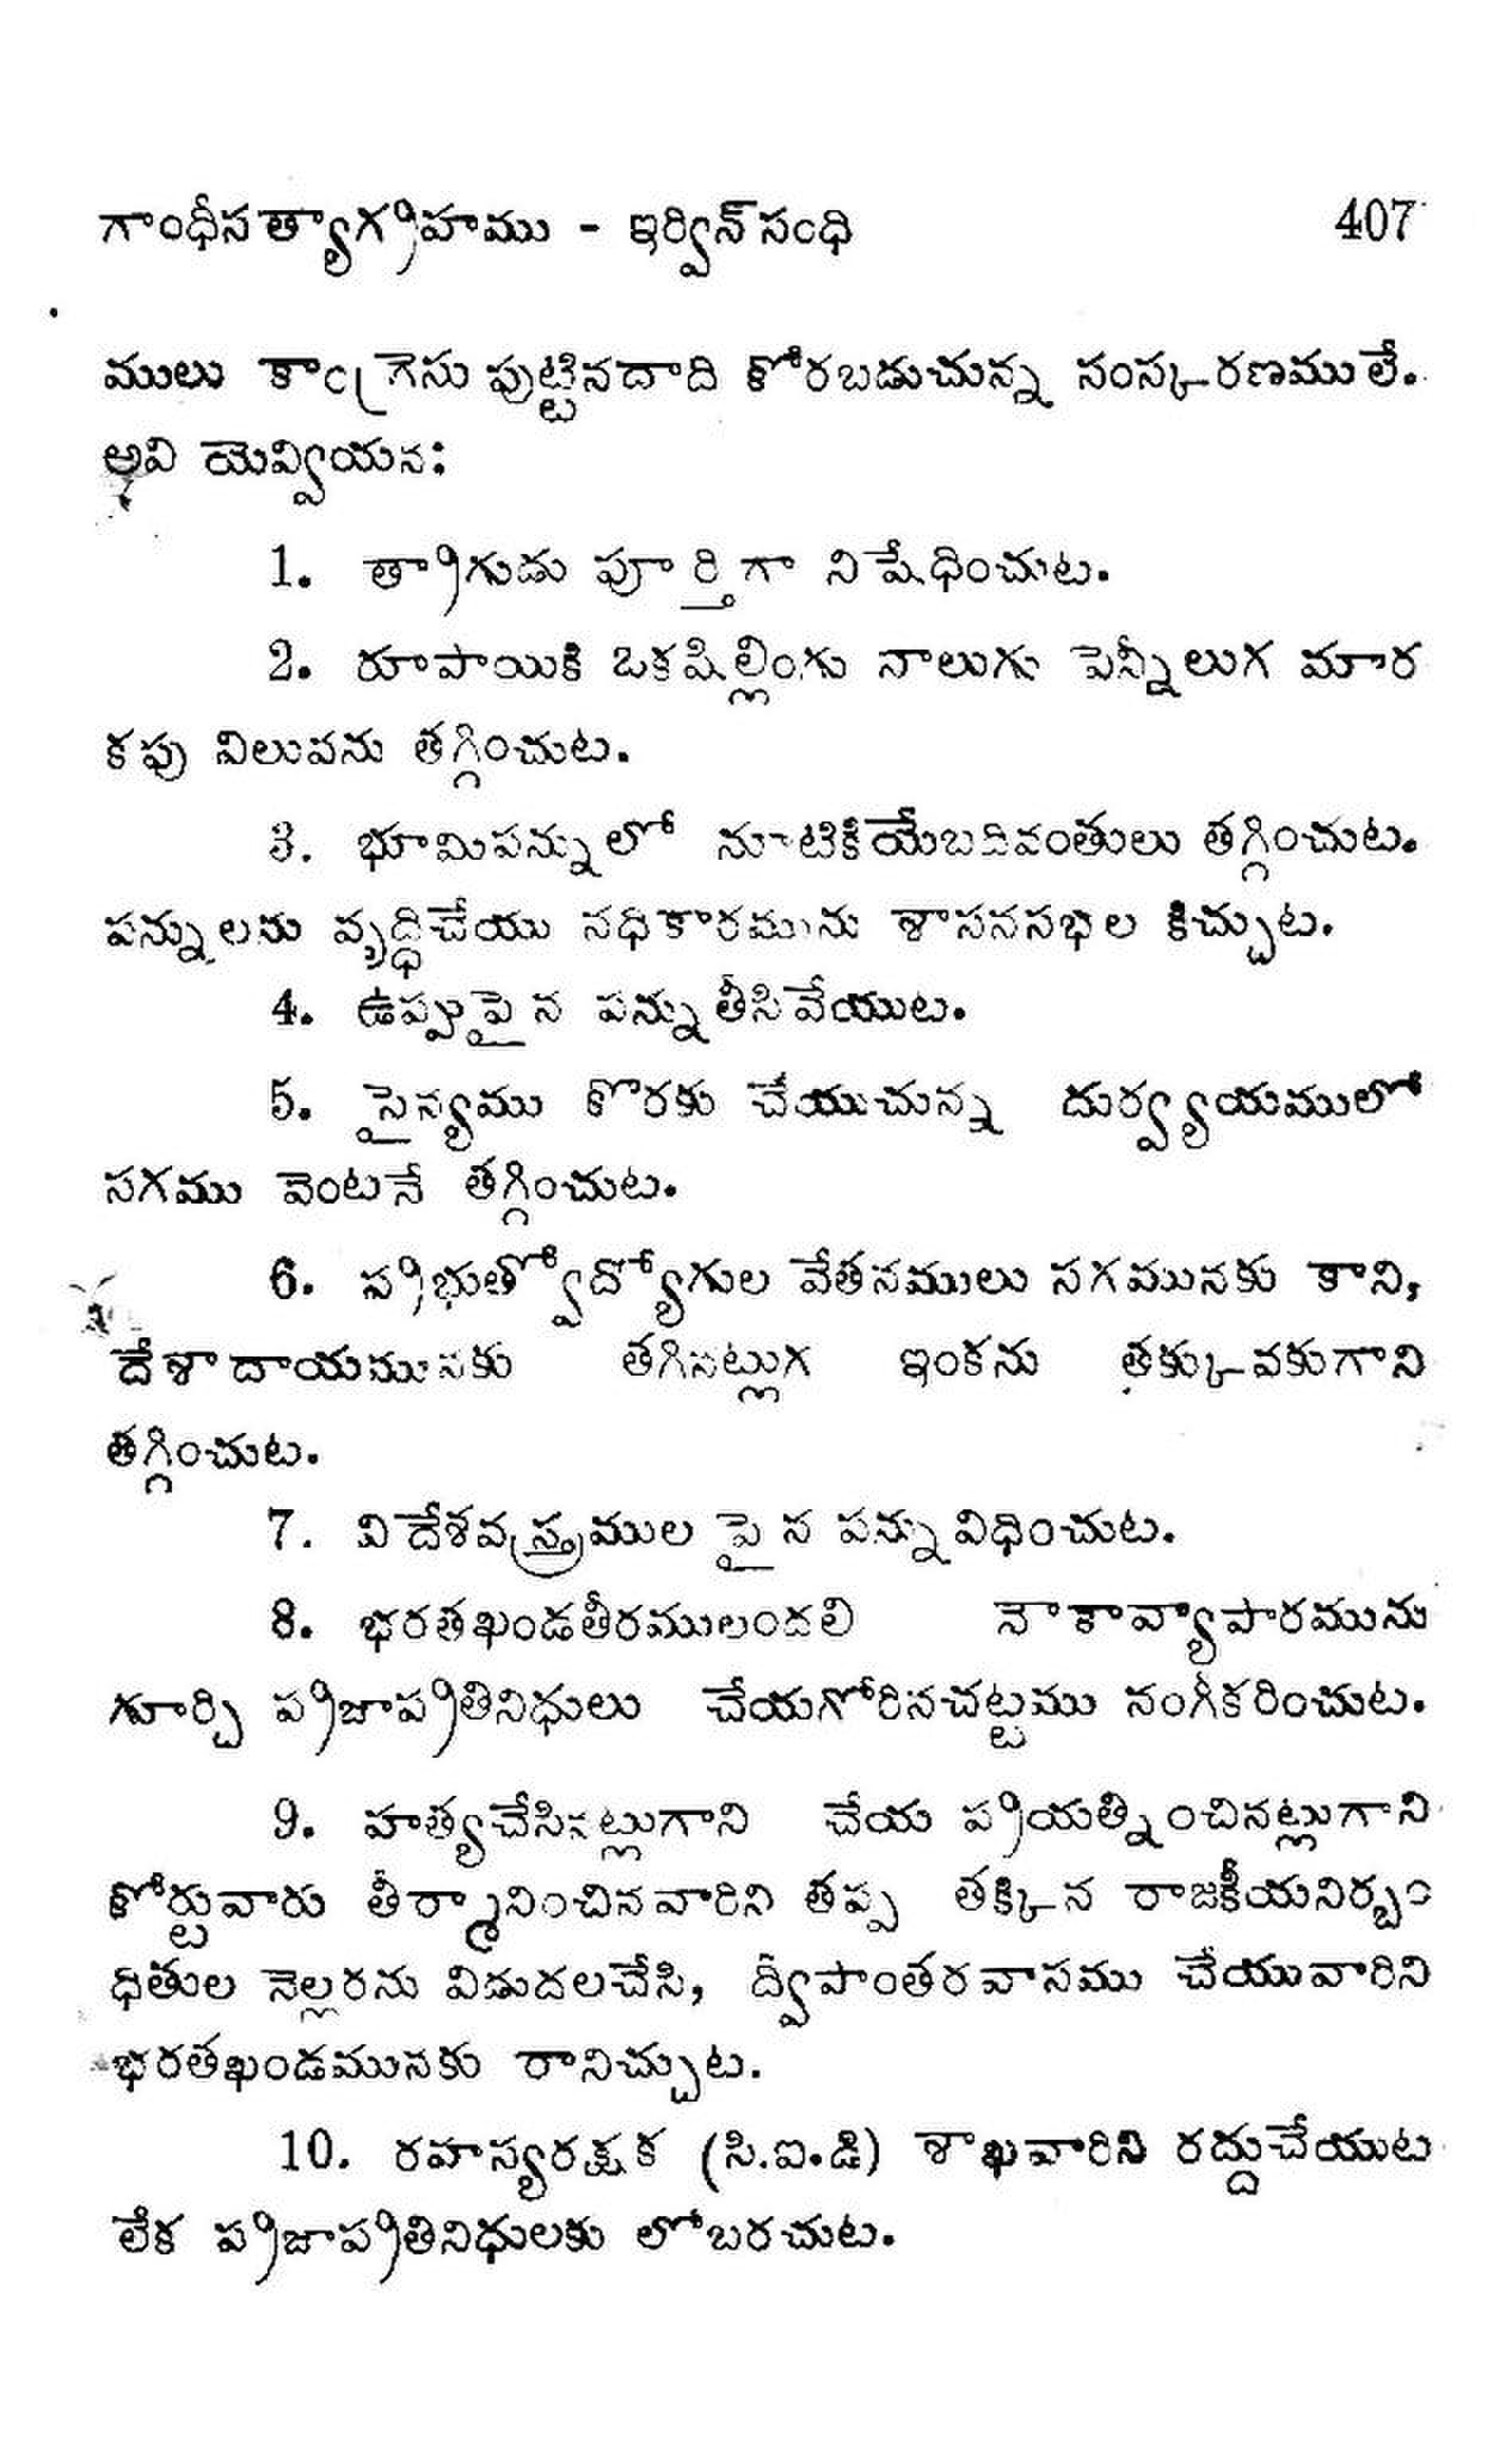ములు కాంగ్రెసుపుట్టినదాది కోరబడుచున్న సంస్కరణములే. అవి యెవ్వియన.

1. త్రాగుడు పూర్తిగా నిషేధించుట. 

2. రూపాయికి ఒకషిల్లింగు నాలుగు పెన్నీలుగ మారకపు విలువను తగ్గించుట.

3. భూమిపన్నులో నూటికియేబదివంతులు తగ్గించుట. పన్నులను వృద్ధిచేయు నధికారమును శాసనసభల కిచ్చుట.

4. ఉప్పుపైన పన్ను తీసివేయుట.

5. సైన్యము కొరకు చేయుచున్న దుర్వ్యయములో సగము వెంటనే తగ్గించుట.

6. ప్రభుత్వోద్యోగుల వేతనములు సగమునకు కాని, దేశాదాయమునకు తగినట్లుగా ఇంకను తక్కువకుగాని తగ్గించుట.

7. విదేశవస్త్రముల పైన పన్నువిధించుట.

8. భరతఖండతీరములందలి నౌకావ్యాపారమును గూర్చి ప్రజాప్రతినిధులు చేయగోరినచట్టము నంగీకరించుట.

9. హత్యచేసినట్లుగాని చేయ ప్రయత్నించినట్లుగాని కోర్టువారు తీర్మానించినవారిని తప్ప తక్కిన రాజకీయనిర్బంధితుల నెల్లరను విడుదలచేసి, ద్వీపాంతరవాసము చేయువారిని భరతఖండమునకు రానిచ్చుట.

10. రహస్యరక్షక (సి.ఐ.డి) శాఖవారిని రద్దుచేయుట లేక ప్రజాప్రతినిధులకు లోబరచుట.